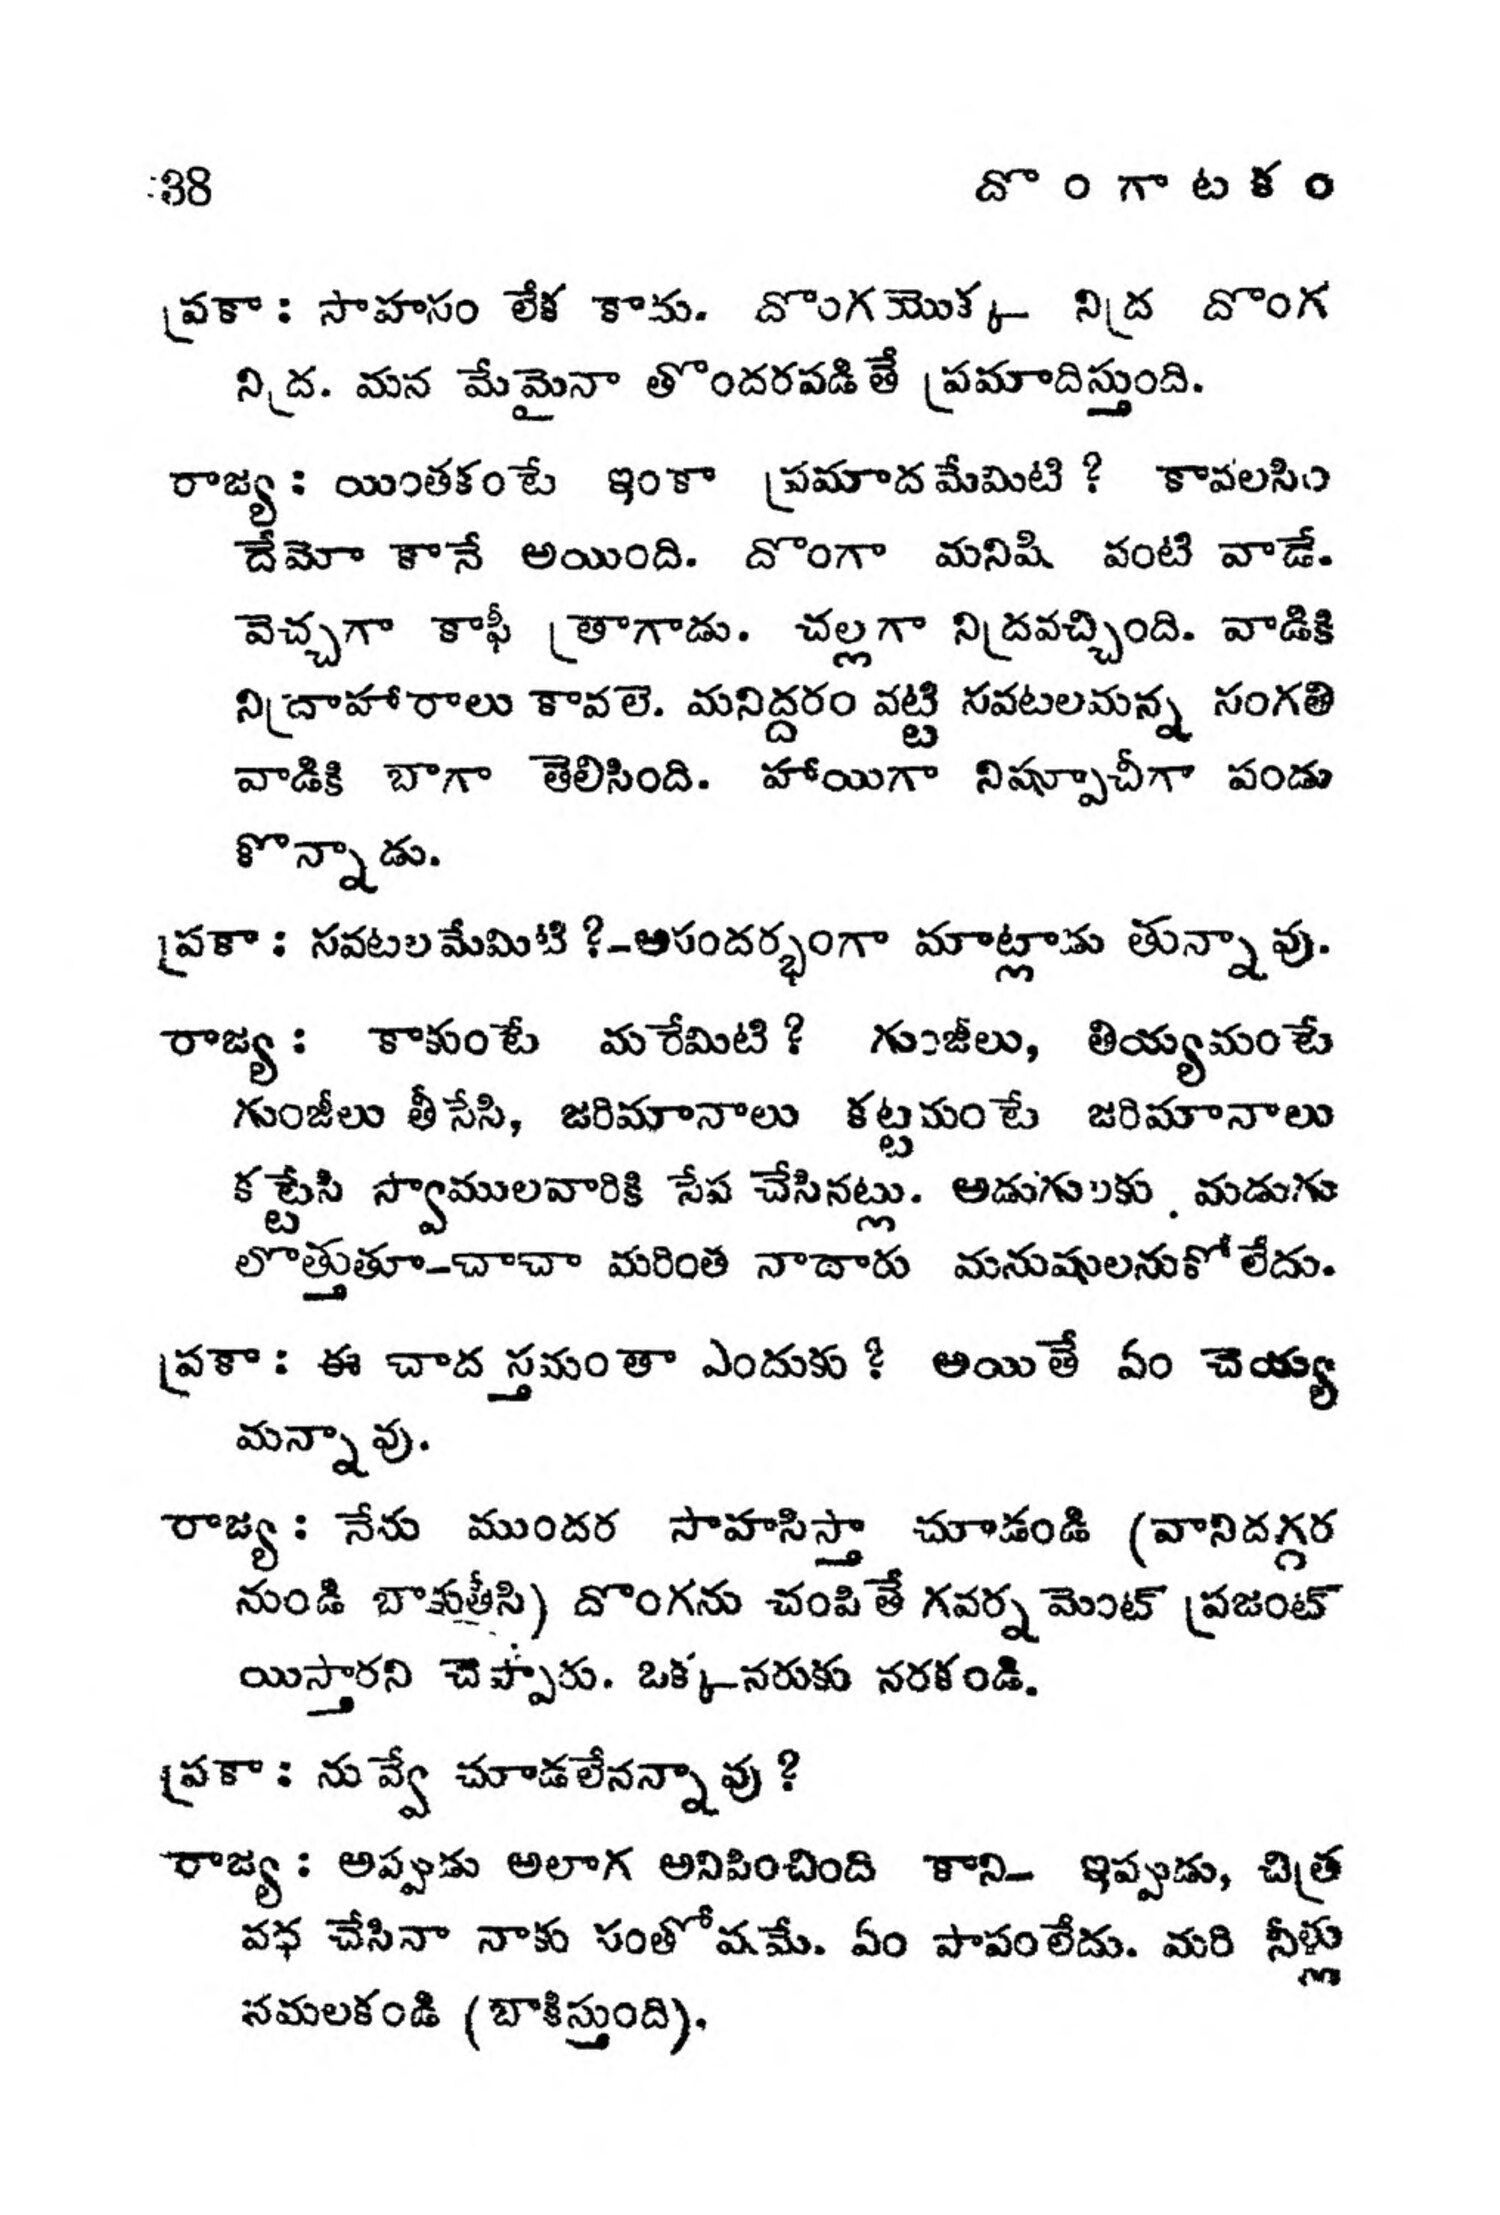ప్రకా : సాహసం లేక కాదు. దొంగయొక్క నిద్ర దొంగనిద్ర. మన మేమైనా తొందరపడితే ప్రమాదిస్తుంది.

రాజ్య : యింతకంటే ఇంకా ప్రమాదమేమిటి? కావలసిందేమో కానే అయింది. దొంగా మనిషి వంటి వాడే. వెచ్చగా కాఫీ త్రాగాడు. చల్లగా నిద్రవచ్చింది. వాడికి నిద్రాహారాలు కావలె. మనిద్దరం వట్టి సవటలమన్న సంగతి వాడికి బాగా తెలిసింది. హాయిగా నిష్పూచీగా పండు కొన్నాడు.

ప్రకా : సవటల మేమిటి ?- అసందర్భంగా మాట్లాడు తున్నావు.

రాజ్య : కాకుంటే మరేమిటి? గుంజీలు, తియ్యమంటే గుంజీలు తీసేసి, జరిమానాలు కట్టమంటే జరిమానాలు కట్టేసి స్వాములవారికి సేవ చేసినట్లు. అడుగులకు మడుగులొత్తుతూ-చాచా మరింత నాదారు మనుషులనుకోలేదు.

ప్రకా : ఈ చాదస్తమంతా ఎందుకు? అయితే ఏం చెయ్యమన్నావు.

రాజ్య : నేను ముందర సాహసిస్తా చూడండి (వానిదగ్గర నుండి బాకుతీసి) దొంగను చంపితే గవర్నమెంట్ ప్రజంట్
యిస్తారని చెప్పారు. ఒక్క నరుకు నరకండి.

ప్రకా : నువ్వే చూడలేనన్నావు ?

రాజ్య : అప్పుడు అలాగ అనిపించింది కాని ఇప్పుడు, చిత్రవధ చేసినా నాకు సంతోషమే. ఏం పాపంలేదు. మరి నీళ్లు
నమలకండి (బాకిస్తుంది).